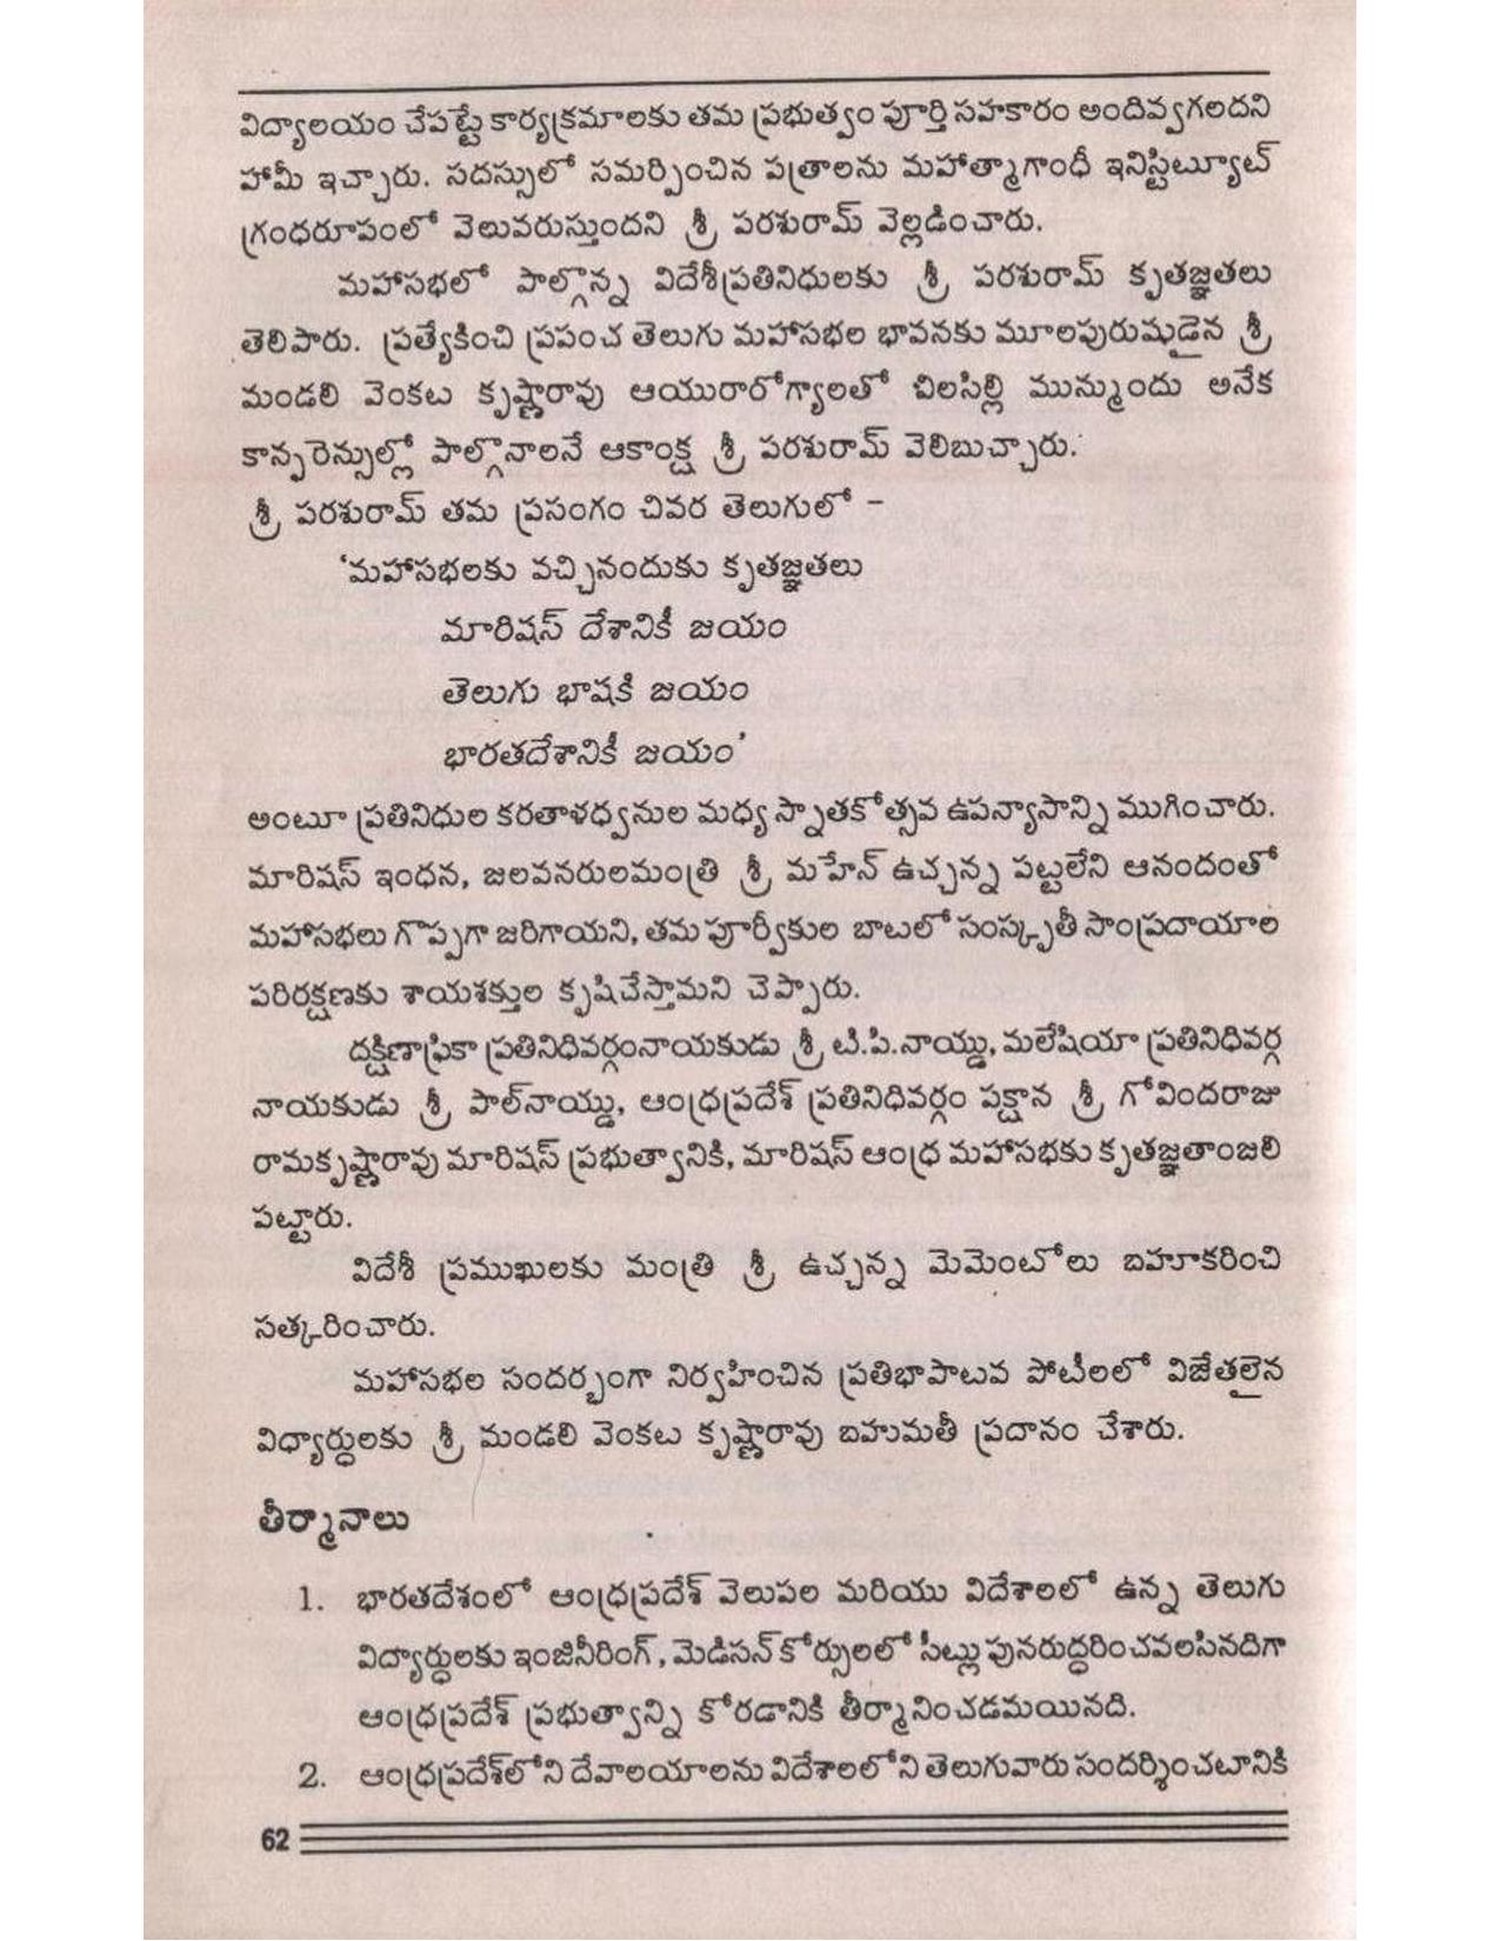విద్యాలయం చేపట్టే కార్యక్రమాలకు తమ ప్రభుత్వం పూర్తి సహకారం అందివ్వగలదని హామీ ఇచ్చారు. సదస్సులో సమర్పించిన పత్రాలను మహాత్మాగాంధీ ఇనిస్టిట్యూట్ గ్రంధరూపంలో వెలువరుస్తుందని శ్రీ పరశురామ్ వెల్లడించారు.

మహాసభలో పాల్గొన్న విదేశీ ప్రతినిధులకు శ్రీ పరశురామ్ కృతజ్ఞతలు తెలిపారు. ప్రత్యేకించి ప్రపంచ తెలుగు మహాసభల భావనకు మూలపురుషుడైన శ్రీ మండలి వెంకట కృష్ణారావు ఆయురారోగ్యాలతో విలసిల్లి మున్ముందు అనేక కాన్పరెన్సుల్లో పాల్గొనాలనే ఆకాంక్ష శ్రీ పరశురామ్ వెలిబుచ్చారు. శ్రీ పరశురామ్ తమ ప్రసంగం చివర తెలుగులో -

'మహాసభలకు వచ్చినందుకు కృతజ్ఞతలు
మారిషస్ దేశానికీ జయం
తెలుగు భాషకి జయం 
భారతదేశానికీ జయం' 

అంటూ ప్రతినిధుల కరతాళధ్వనుల మధ్య స్నాతకోత్సవ ఉపన్యాసాన్ని ముగించారు. మారిషస్ ఇంధన, జలవనరులమంత్రి శ్రీ మహేన్ ఉచ్చన్న పట్టలేని ఆనందంతో మహాసభలు గొప్పగా జరిగాయని, తమపూర్వీకుల బాటలో సంస్కృతీ సాంప్రదాయాల పరిరక్షణకు శాయశక్తుల కృషిచేస్తామని చెప్పారు.

దక్షిణాఫ్రికా ప్రతినిధివర్గంనాయకుడు శ్రీ టి.పి.నాయ్డు, మలేషియా ప్రతినిధివర్గ నాయకుడు శ్రీ పాల్‌నాయ్డు, ఆంధ్రప్రదేశ్ ప్రతినిధివర్గం పక్షాన శ్రీ గోవిందరాజు రామకృష్ణారావు మారిషస్ ప్రభుత్వానికి, మారిషస్ ఆంధ్ర మహాసభకు కృతజ్ఞతాంజలి పట్టారు.

విదేశీ ప్రముఖులకు మంత్రి శ్రీ ఉచ్చన్న మెమెంటోలు బహూకరించి సత్కరించారు.

మహాసభల సందర్భంగా నిర్వహించిన ప్రతిభాపాటవ పోటీలలో విజేతలైన విధ్యార్ధులకు శ్రీ మండలి వెంకట కృష్ణారావు బహుమతీ ప్రదానం చేశారు.

తీర్మానాలు

1. భారతదేశంలో ఆంధ్రప్రదేశ్ వెలుపల మరియు విదేశాలలో ఉన్న తెలుగు విద్యార్ధులకు ఇంజినీరింగ్, మెడిసన్ కోర్సులలో సీట్లు పునరుద్ధరించవలసినదిగా ఆంధ్రప్రదేశ్ ప్రభుత్వాన్ని కోరడానికి తీర్మానించడమయినది.

2. ఆంధ్రప్రదేశ్‌లోని దేవాలయాలను విదేశాలలోని తెలుగువారు సందర్శించటానికి